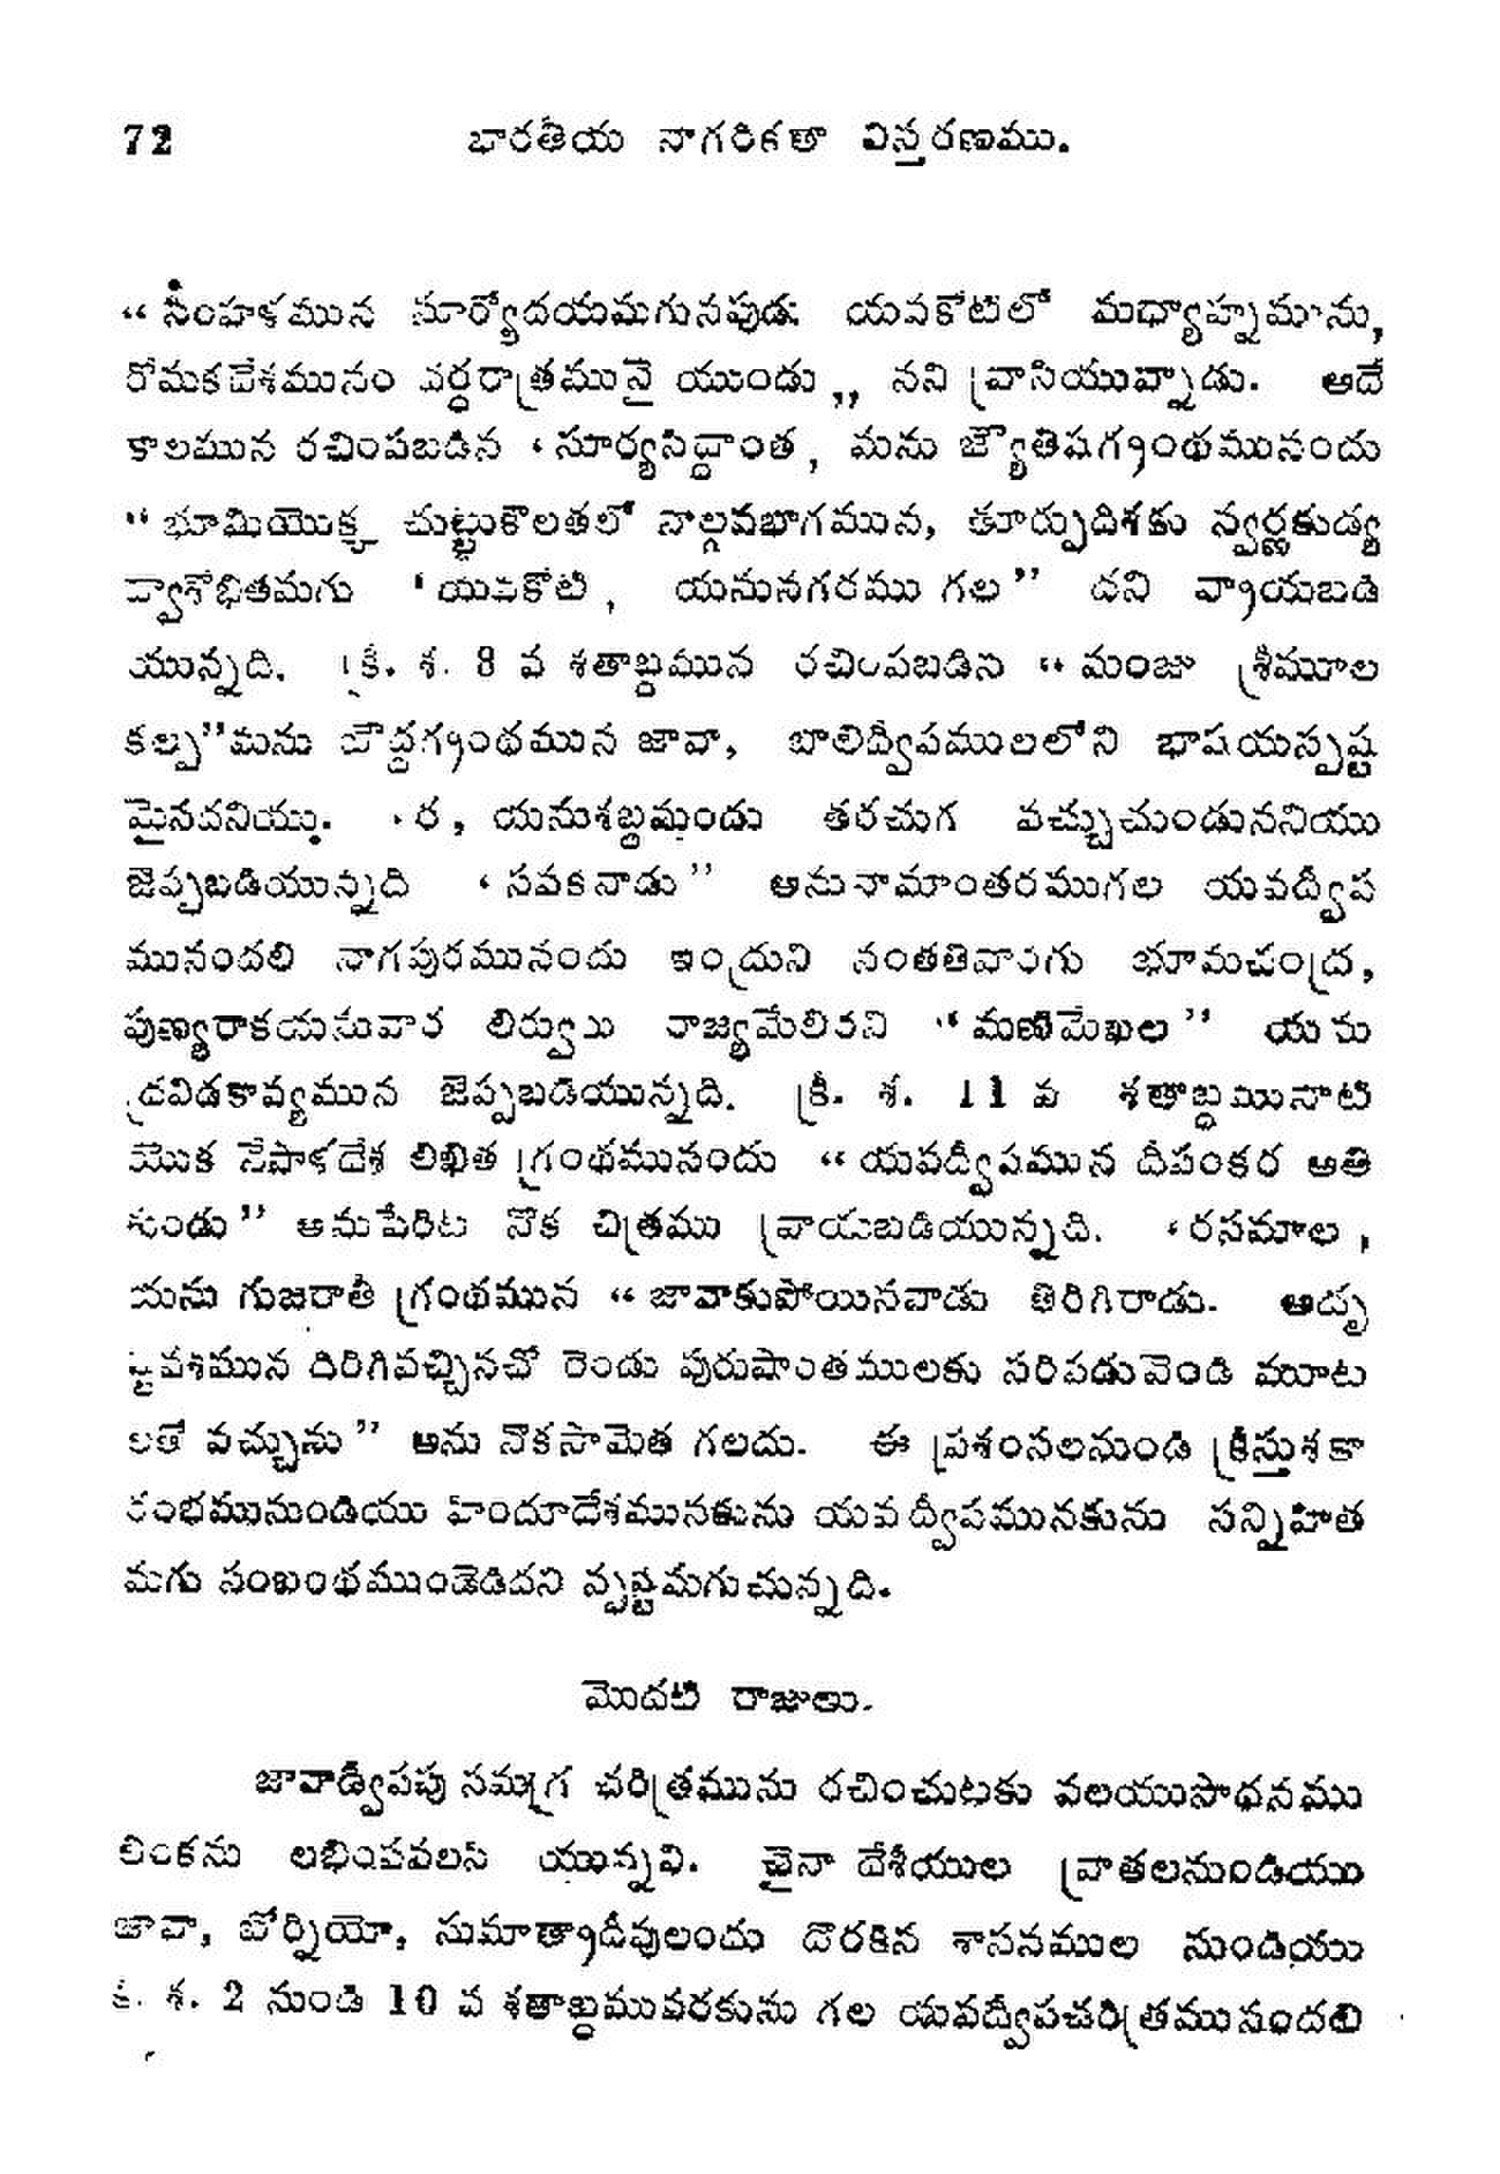"సింహళమున సూర్యోదయమగునపుడు యవకోటిలో మధ్యాహ్నమును, రోమకదేశమునం దర్ధరాత్రమునై యుండు" నని వ్రాసియున్నాడు. అదేకాలమున రచింపబడిన 'సూర్యసిద్దాంత' మను జ్యోతిషగ్రంథమునందు "భూమియొక్క చుట్టుకొలతలో నాల్గవభాగమున, తూర్పుదిశకు స్వర్ణకుడ్యబ్వాశోభితమగు 'యవకోటి' యనునగరము గల" దని వ్రాయబడి యున్నది. క్రీ. శ. 8 వ శతాబ్దమున రచింపబడిన "మంజు శ్రీమూలకల్ప"మను బౌద్దగ్రంథమున జావా, బీలిద్వీపములలోని భాషయస్పష్టమైన దనియు, 'ర' యనుశబ్దమందు తరచుగ వచ్చుచుండుననియు జెప్పబడియున్నది. 'నవకనాడు^' అనునామాంతరముగల యవద్వీపమునందలి నాగపురమునందు ఇంద్రుని సంతతివారగు భూమచంద్ర, పుణ్యరాకయనువార లిర్వురు రాజ్యమేలిరని "మణిమేఖల" యను ద్రవిడకావ్యమున జెప్పబడియున్నది. క్రీ. శ. 11 వ శతాబ్దమునాటి యొక నేపాళదేశ లిఖిత గ్రంథమునందు "యవద్వీపమున దీపంకర అతిశుండు" అనుపేరిట నొక చిత్రము వ్రాయబడియున్నది. 'రసమాల' యను గుజరాతీ గ్రంథమున "జావాకుపోయినవాడు తిరిగిరాడు. అదృష్టవశమున దిరిగివచ్చినచో రెండు పురుషాంతములకు సరిపడువెండి మూటలతో వచ్చును" అను నొకసామెత గలదు. ఈ ప్రశంసలనుండి క్రీస్తుశకారంభమునుండియు హిందూదేశమునకును యవద్వీపమునకును సన్నిహితమగు సంబంథముండెడిదని స్పష్టమగుచున్నది.

జావాద్వీపపు సమగ్ర చరిత్రమును రచించుటకు వలయుసాధనము లింకను లభింపవలసి యున్నవి. చైనా దేశీయుల వ్రాతలనుండియు జావా, బోర్నియో, సుమాత్రాదీవులందు దొరకిన శాసనముల నుండియు క్రీ. శ. 2 నుండి 10 వ శతాబ్దమువరకును గల యవద్వీపచరిత్రమునందలి